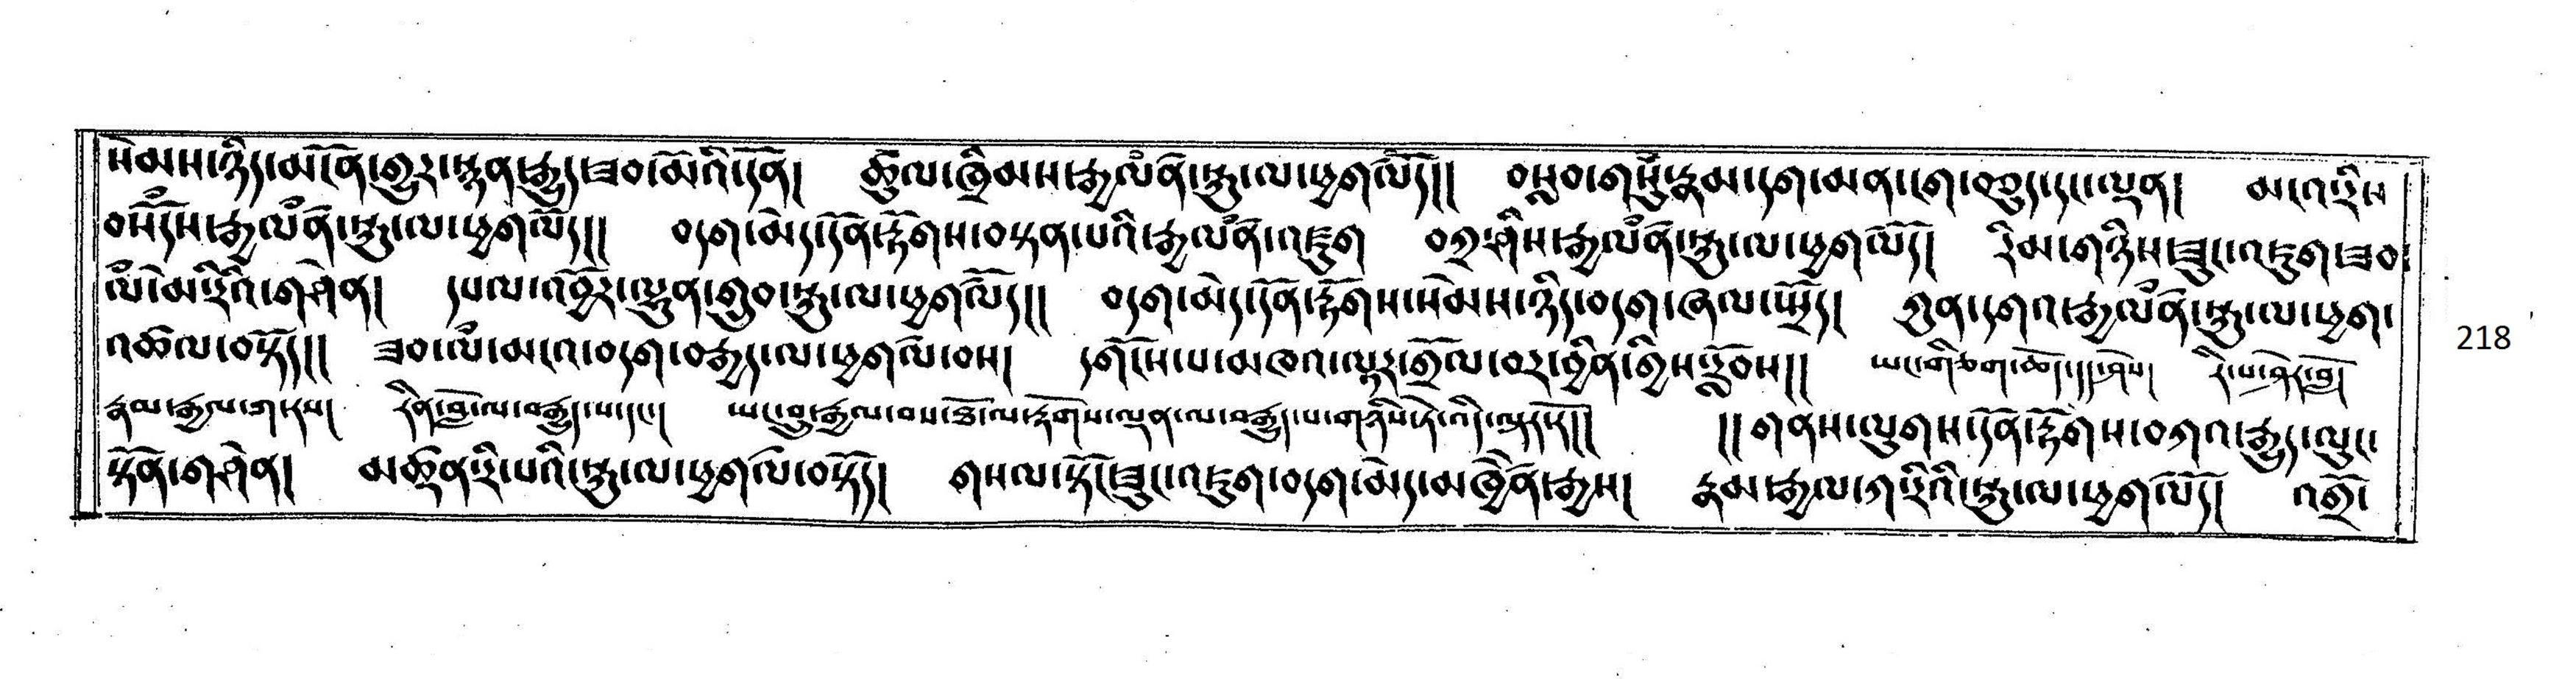སེམས་ཉིད་མངོན་གྱུར་སྙན་རྒྱུད་ཟབ་མོའི་དོན། ཚུལ་ཁྲིམས་རྒྱལ་མཚན་སྐུ་ལ་ཕྱག་འཚལ་བསྟོད།། བསླབ་གསུམ་རྣམ་དག་མན་ངག་བཅུད་དང་ལྡན། མངའ་རིས་
བསོད་ནམས་རྒྱལ་མཚན་སྐུ་ལ་ཕྱག་འཚལ་བསྟོད།། བདག་མེད་དོན་རྟོགས་བསྟན་པའི་རྒྱལ་མཚན་འཛུག བཀྲ་ཤིས་རྒྱལ་མཚན་སྐུ་ལ་ཕྱག་འཚལ་བསྟོད། རིམ་གཉིས་ཟུང་འཇུག་ཟབ་
ལམ་མེ་རིའི་གཤེན། དཔལ་འབྱོར་ལྷུན་གྲུབ་སྐུ་ལ་ཕྱག་འཚལ་བསྟོད།། བདག་མེད་དོན་རྟོགས་སེམས་ཉིད་བདག་ཞལ་སྤྲོད། ཀུན་དགའ་རྒྱལ་མཚན་སྐུ་ལ་ཕྱག་
འཚལ་བསྟོད།། ཟབ་ལམ་མངའ་བདག་བརྒྱད་ལ་ཕྱག་འཚལ་བས། དགོངས་པ་མཁའ་ལྟར་གྲོལ་བར་བྱིན་གྱིས་རློབས།། ཡང་གཅིག་ཆོད་དད་ཤེས། རི་པ་ཤེར་བློ། 
རྣམ་རྒྱལ་ཀ་རས། རིན་བློ་ལ་བརྒྱུད་པ་དང་། ཡང་བྲུ་རྒྱལ་བས་ཐོ་ལ་རྟོགས་ལྡན་ལ་བརྒྱུད་པ་གཉིས་ཏེ་འདི་ལྟར་རོ།། །།གནས་ལུགས་དོན་རྟོགས་བཀའ་རྒྱུད་ལུང་
སྟོན་གཤེན། མཚན་ལྡན་རི་པའི་སྐུ་ལ་ཕྱག་འཚལ་བསྟོད། གསལ་སྟོང་ཟུང་འཇུག་བདག་མེད་མཁྱེན་རྩེ་རྒྱས། རྣམ་རྒྱལ་ཀ་རའི་སྐུ་ལ་ཕྱག་འཚལ་བསྟོད། འགྲོ་